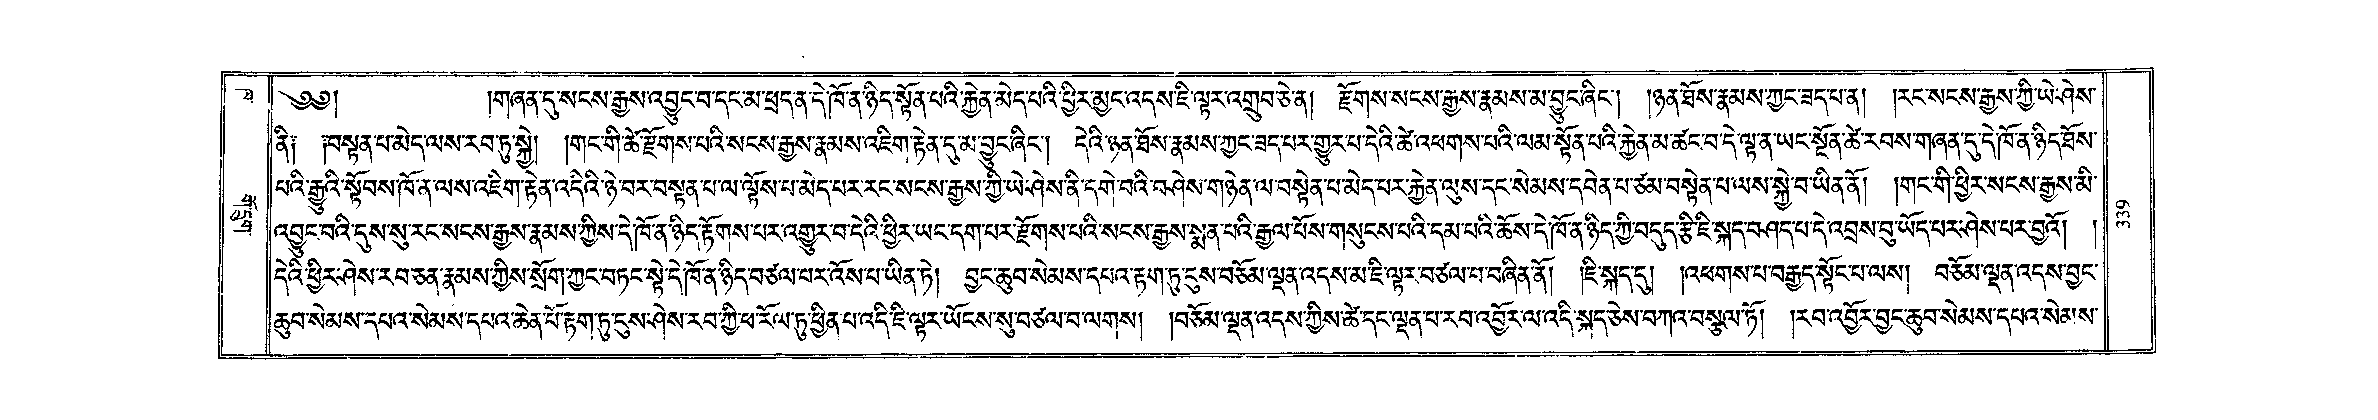༄༅། །གཞན་དུ་སངས་རྒྱས་འབྱུང་བ་དང་མ་ཕྲད་ན་དེ་ཁོ་ན་ཉིད་སྟོན་པའི་རྐྱེན་མེད་པའི་ཕྱིར་མྱང་འདས་ཇི་ལྟར་འགྲུབ་ཅེ་ན། རྫོགས་སངས་རྒྱས་རྣམས་མ་བྱུང་ཞིང་། །ཉན་ཐོས་རྣམས་ཀྱང་ཟད་པ་ན། །རང་སངས་རྒྱས་ཀྱི་ཡེ་ཤེས་
ནི༑ ༑བསྟན་པ་མེད་ལས་རབ་ཏུ་སྐྱེ། །གང་གི་ཚེ་རྫོགས་པའི་སངས་རྒྱས་རྣམས་འཇིག་རྟེན་དུ་མ་བྱུང་ཞིང་། དེའི་ཉན་ཐོས་རྣམས་ཀྱང་ཟད་པར་གྱུར་པ་དེའི་ཚེ་འཕགས་པའི་ལམ་སྟོན་པའི་རྐྱེན་མ་ཚང་བ་དེ་ལྟ་ན་ཡང་སྔོན་ཚེ་རབས་གཞན་དུ་དེ་ཁོ་ན་ཉིད་ཐོས་
པའི་རྒྱུའི་སྟོབས་ཁོ་ན་ལས་འཇིག་རྟེན་འདིའི་ཉེ་བར་བསྟན་པ་ལ་ལྟོས་པ་མེད་པར་རང་སངས་རྒྱས་ཀྱི་ཡེ་ཤེས་ནི་དགེ་བའི་བཤེས་གཉེན་ལ་བསྟེན་པ་མེད་པར་རྐྱེན་ལུས་དང་སེམས་དབེན་པ་ཙམ་བསྟེན་པ་ལས་སྐྱེ་བ་ཡིན་ནོ། །གང་གི་ཕྱིར་སངས་རྒྱས་མི་
འབྱུང་བའི་དུས་སུ་རང་སངས་རྒྱས་རྣམས་ཀྱིས་དེ་ཁོ་ན་ཉིད་རྟོགས་པར་འགྱུར་བ་དེའི་ཕྱིར་ཡང་དག་པར་རྫོགས་པའི་སངས་རྒྱས་སྨན་པའི་རྒྱལ་པོས་གསུངས་པའི་དམ་པའི་ཆོས་དེ་ཁོ་ན་ཉིད་ཀྱི་བདུད་རྩི་ཇི་སྐད་བཤད་པ་དེ་འབྲས་བུ་ཡོད་པར་ཤེས་པར་བྱའོ། །
དེའི་ཕྱིར་ཤེས་རབ་ཅན་རྣམས་ཀྱིས་སྲོག་ཀྱང་བཏང་སྟེ་དེ་ཁོ་ན་ཉིད་བཙལ་བར་འོས་པ་ཡིན་ཏེ། བྱང་ཆུབ་སེམས་དཔའ་རྟག་ཏུ་དུས་བཅོམ་ལྡན་འདས་མ་ཇི་ལྟར་བཙལ་བ་བཞིན་ནོ། །ཇི་སྐད་དུ། །འཕགས་པ་བརྒྱད་སྟོང་པ་ལས། བཅོམ་ལྡན་འདས་བྱང་
ཆུབ་སེམས་དཔའ་སེམས་དཔའ་ཆེན་པོ་རྟག་ཏུ་ངུས་ཤེས་རབ་ཀྱི་ཕ་རོལ་ཏུ་ཕྱིན་པ་འདི་ཇི་ལྟར་ཡོངས་སུ་བཙལ་བ་ལགས། །བཅོམ་ལྡན་འདས་ཀྱིས་ཚེ་དང་ལྡན་པ་རབ་འབྱོར་ལ་འདི་སྐད་ཅེས་བཀའ་བསྩལ་ཏོ། །རབ་འབྱོར་བྱང་ཆུབ་སེམས་དཔའ་སེམས་